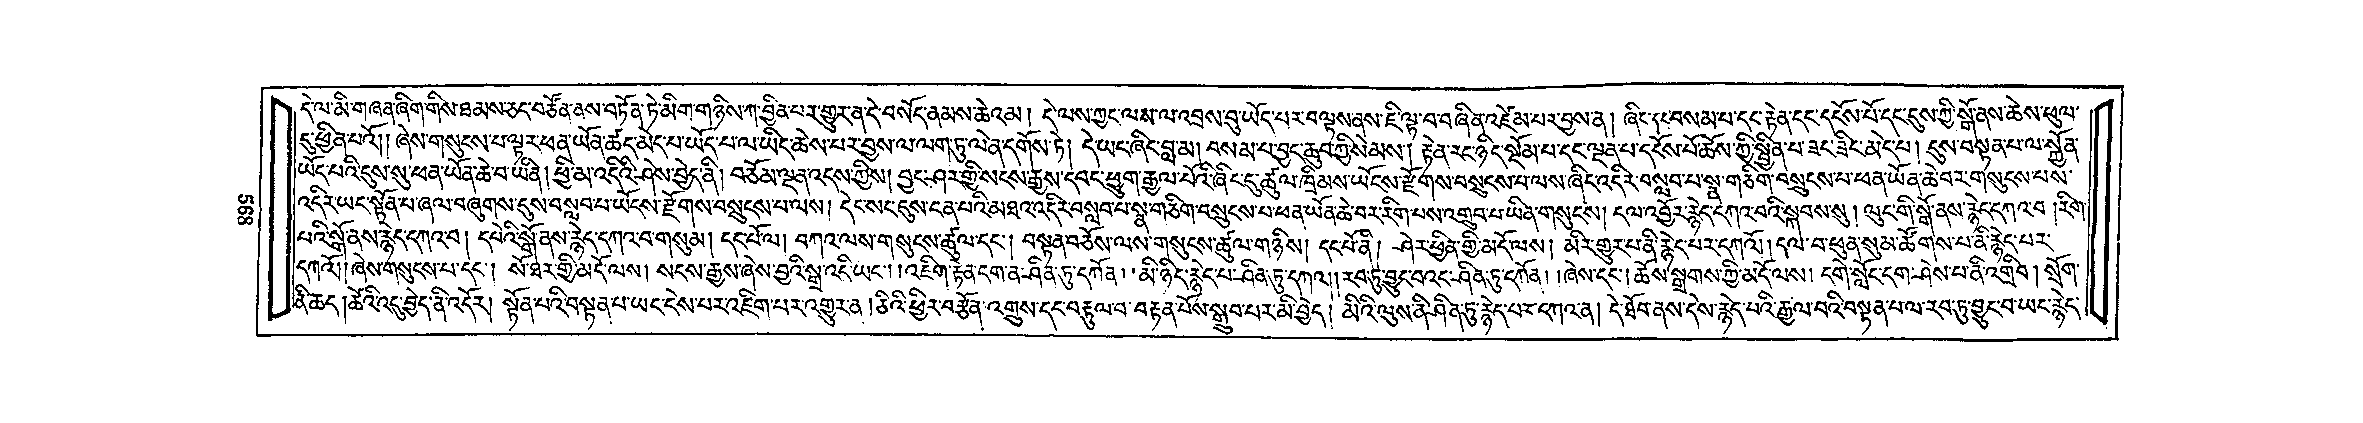དེ་ལ་མི་གཞན་ཞིག་གིས་ཐམས་ཅད་བཙོན་ནས་བཏོན་ཏེ་མིག་གཉིས་ཀ་བྱིན་པར་གྱུར་ན་དེ་བསོད་ནམས་ཆེའམ། དེ་ལས་ཀྱང་ལས་ལ་འབྲས་བུ་ཡོད་པར་བལྟས་ནས་ཇི་ལྟ་བ་བཞིན་འཛེམ་པར་བྱས་ན། ཞིང་དང་བསམ་པ་དང་རྟེན་དང་དངོས་པོ་དང་དུས་ཀྱི་སྒོ་ནས་ཆེས་ཕུལ་
དུ་ཕྱིན་པའོ། །ཞེས་གསུངས་པ་ལྟར་ཕན་ཡོན་ཚད་མེད་པ་ཡོད་པ་ལ་ཡིད་ཆེས་པར་བྱས་ལ་ལག་ཏུ་ལེན་དགོས་ཏེ། དེ་ཡང་ཞིང་བླ་མ། བསམ་པ་བྱང་ཆུབ་ཀྱི་སེམས། རྟེན་རང་ཉིད་སྡོམ་པ་དང་ལྡན་པ་དངོས་པོ་ཆོས་ཀྱི་སྦྱིན་པ་ཟང་ཟིང་མེད་པ། དུས་བསྟན་པ་ལ་སྐྱོན་
ཡོད་པའི་དུས་སུ་ཕན་ཡོན་ཆེ་བ་ཡིན། ཕྱི་མ་འདིའི་ཤེས་བྱེད་ནི། བཅོམ་ལྡན་འདས་ཀྱིས། བྱང་ཤར་གྱི་སངས་རྒྱས་དབང་ཕྱུག་རྒྱལ་པོའི་ཞིང་དུ་ཚུལ་ཁྲིམས་ཡོངས་རྫོགས་བསྲུངས་པ་ལས་ཞིང་འདིར་བསླབ་པ་སྣ་གཅིག་བསྲུངས་པ་ཕན་ཡོན་ཆེ་བར་གསུངས་པས་
འདིར་ཡང་སྟོན་པ་ཞལ་བཞུགས་དུས་བསླབ་པ་ཡོངས་རྫོགས་བསྲུངས་པ་ལས། དེང་སང་དུས་ངན་པའི་མཐའ་འདིར་བསླབ་པ་སྣ་གཅིག་བསྲུངས་པ་ཕན་ཡོན་ཆེ་བར་རིག་པས་འགྲུབ་པ་ཡིན་གསུངས། དལ་འབྱོར་རྙེད་དཀའ་བའི་སྐབས་སུ། ལུང་གི་སྒོ་ནས་རྙེད་དཀའ་བ། རིག་
པའི་སྒོ་ནས་རྙེད་དཀའ་བ། དཔེའི་སྒོ་ནས་རྙེད་དཀའ་བ་གསུམ། དང་པོ་ལ། བཀའ་ལས་གསུངས་ཚུལ་དང་། བསྟན་བཅོས་ལས་གསུངས་ཚུལ་གཉིས། དང་པོ་ནི། ཤེར་ཕྱིན་གྱི་མདོ་ལས། མིར་གྱུར་པ་ནི་རྙེད་པར་དཀའོ། །དལ་བ་ཕུན་སུམ་ཚོགས་པ་ནི་རྙེད་པར་
དཀའོ། །ཞེས་གསུངས་པ་དང་། སོ་ཐར་གྱི་མདོ་ལས། སངས་རྒྱས་ཞེས་བྱའི་སྒྲ་འདི་ཡང་། །འཇིག་རྟེན་དག་ན་ཤིན་ཏུ་དཀོན། །མི་ཉིད་རྙེད་པ་ཤིན་ཏུ་དཀའ། །རབ་ཏུ་བྱུང་བའང་ཤིན་ཏུ་དཀོན། །ཞེས་དང་། ཆོས་སྒྲགས་ཀྱི་མདོ་ལས། དགེ་སློང་དག་ཤེས་པ་ནི་འགྲིབ། སྲོག་
ནི་ཆད། ཚེའི་འདུ་བྱེད་ནི་འདོར། སྟོན་པའི་བསྟན་པ་ཡང་ངེས་པར་འཇིག་པར་འགྱུར་ན། ཅིའི་ཕྱིར་བརྩོན་འགྲུས་དང་བརྟུལ་བ་བརྟན་པོས་སྒྲུབ་པར་མི་བྱེད། མིའི་ལུས་ནི་ཤིན་ཏུ་རྙེད་པར་དཀའ་ན། དེ་ཐོབ་ནས་དེས་རྙེད་པའི་རྒྱལ་བའི་བསྟན་པ་ལ་རབ་ཏུ་བྱུང་བ་ཡང་རྙེད་